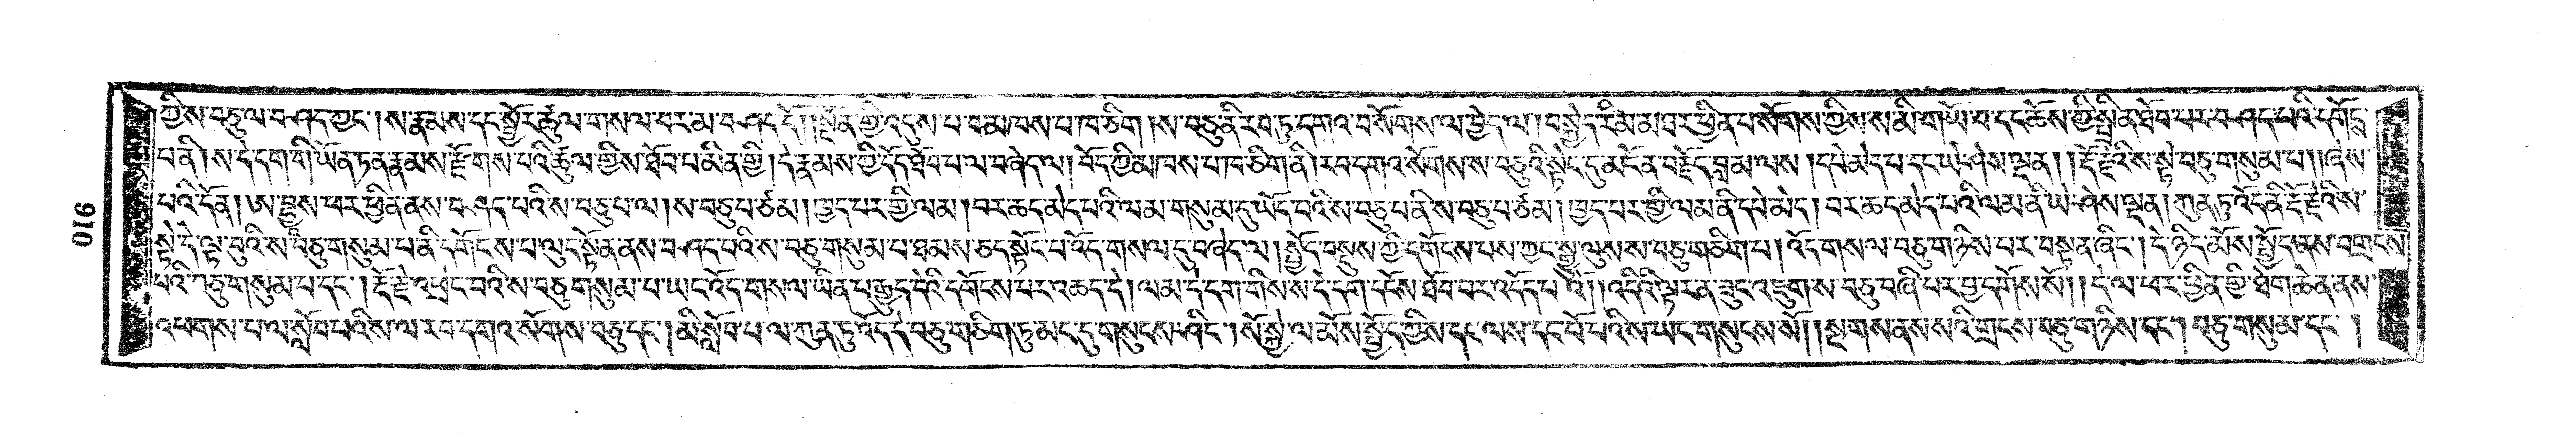ཀྱི་ས་བཅུ་ལ་བཤད་ཀྱང་། ས་རྣམས་དང་སྦྱོར་ཚུལ་གསལ་བར་མ་བཤད་དོ། །སྔོན་གྱི་འདུས་པ་བ་མཁས་པ་ཁ་ཅིག །ས་བཅུ་ནི་རབ་ཏུ་དགའ་བ་སོགས་ལ་བྱེད་ལ། བསྐྱེད་རིམ་མཐར་ཕྱིན་པ་སོགས་ཀྱིས་ས་མི་གཡོ་བ་དང་ཆོས་ཀྱི་སྤྲིན་ཐོབ་པར་བཤད་པའི་དགོངས་
པ་ནི། ས་དེ་དག་གི་ཡོན་ཏན་རྣམས་རྫོགས་པའི་ཚུལ་གྱིས་ཐོབ་པ་མིན་གྱི། དེ་རྣམས་ཀྱི་དོད་ཐོབ་པ་ལ་བཞེད་ལ། བོད་ཀྱི་མཁས་པ་ཁ་ཅིག་ནི། རབ་དགའ་སོགས་ས་བཅུའི་སྟེང་དུ་མངོན་བརྗོད་བླ་མ་ལས། དཔེ་མེད་པ་དང་ཡེ་ཤེས་ལྡན། །རྡོ་རྗེའི་ས་སྟེ་བཅུ་གསུམ་པ། །ཞེས་
པའི་དོན། ཨ་བྷྱཱས་ཕར་ཕྱིན་ནས་བཤད་པའི་ས་བཅུ་པ་ལ། ས་བཅུ་པ་ཙམ། ཁྱད་པར་གྱི་ལམ། བར་ཆད་མེད་པའི་ལམ་གསུམ་དུ་ཡོད་པའི་ས་བཅུ་པ་ནི་ས་བཅུ་པ་ཙམ། ཁྱད་པར་གྱི་ལམ་ནི་དཔེ་མེད། བར་ཆད་མེད་པའི་ལམ་ནི་ཡེ་ཤེས་ལྡན། ཀུན་ཏུ་འོད་ནི་རྡོ་རྗེའི་ས་
སྟེ་དེ་ལྟ་བུའི་ས་བཅུ་གསུམ་པ་ནི་དགོངས་པ་ལུང་སྟོན་ནས་བཤད་པའི་ས་བཅུ་གསུམ་པ་ཐམས་ཅད་སྟོང་པ་འོད་གསལ་དུ་བཞེད་ལ། སྤྱོད་བསྡུས་ཀྱི་དགོངས་པས་ཀྱང་སྒྱུ་ལུས་ས་བཅུ་གཅིག་པ། འོད་གསལ་བཅུ་གཉིས་པར་བསྟན་ཞིང་། དེ་ཉིད་མོས་སྤྱོད་ནས་བགྲངས་
པའི་བཅུ་གསུམ་པ་དང་། རྡོ་རྗེ་འཕྲེང་བའི་ས་བཅུ་གསུམ་པ་ཡང་འོད་གསལ་ཡིན་པ་རྒྱུད་དེའི་དགོངས་པར་འཆད་དེ། ལམ་དེ་དག་གིས་ས་དེ་དག་དངོས་ཐོབ་པར་འདོད་པའོ། །འདིའི་ལྟར་ན་ཟུང་འཇུག་ས་བཅུ་བཞི་པར་བྱ་དགོས་སོ། །དེ་ལ་ཕར་ཕྱིན་གྱི་ཐེག་ཆེན་ནས་
འཕགས་པ་ལ་སློབ་པའི་ས་ལ་རབ་དགའ་སོགས་བཅུ་དང་། མི་སློབ་པ་ལ་ཀུན་ཏུ་འོད་དེ་བཅུ་གཅིག་ཏུ་མང་དུ་གསུངས་ཤིང་། སོ་སྐྱེ་ལ་མོས་སྤྱོད་ཀྱི་ས་དང་ལས་དང་པོ་པའི་ས་ཡང་གསུངས་སོ། །སྔགས་ནས་སའི་གྲངས་བཅུ་གཉིས་དང་། བཅུ་གསུམ་དང་།